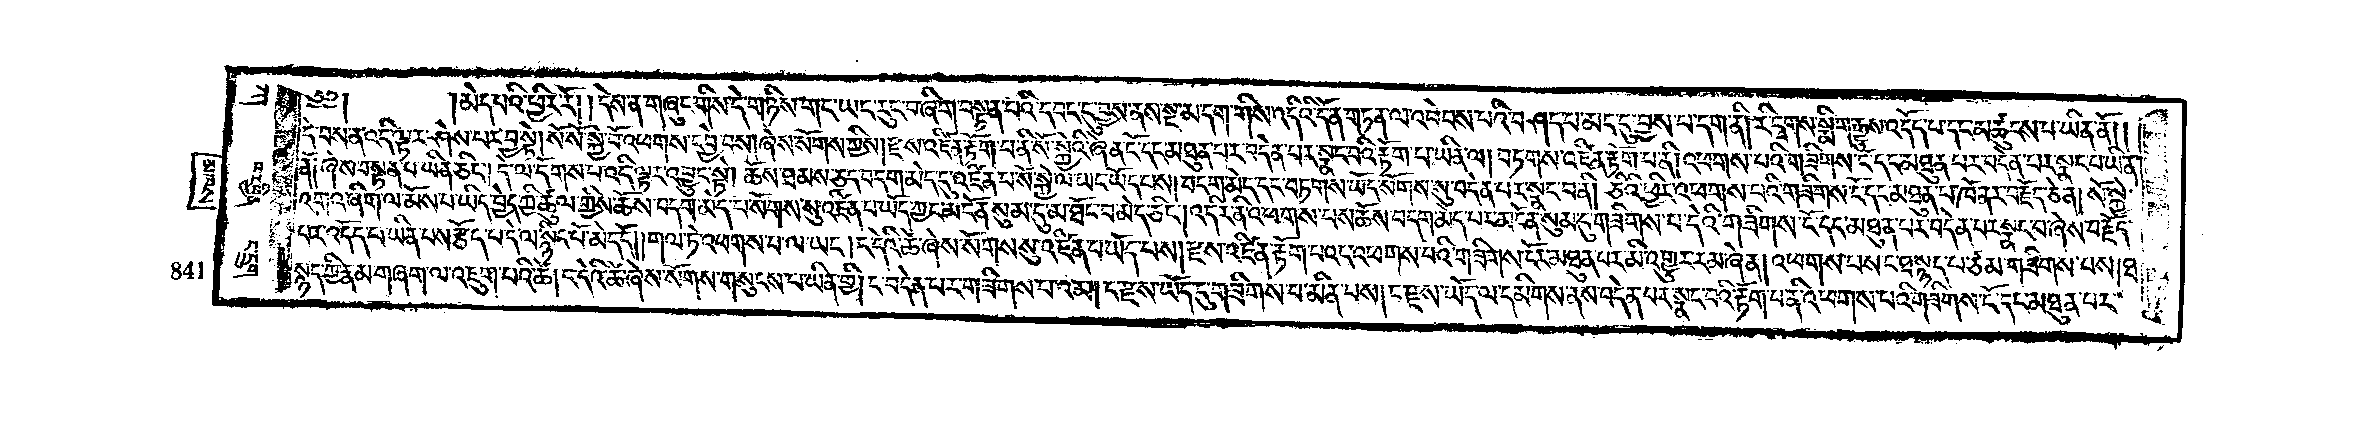༄༅། །མེད་པའི་ཕྱིར་རོ། །དེས་ན་གཞུང་གིས་དེ་གཉིས་གང་ཡང་རུང་བ་ཞིག་བསྟན་པའི་དབང་དུ་བྱས་ནས་སྔ་མ་དག་གིས་འདིའི་དོན་གཏན་ལ་འབེབས་པའི་བཤད་པ་མང་དུ་བྱས་པ་དག་ནི། རི་དVཨགས་སྨིག་རྒྱུས་འདོད་པ་དང་མཚུངས་པ་ཡིན་ནོ། །
དེ་བས་ན་འདི་ལྟར་ཤེས་པར་བྱ་སྟེ། སོ་སོ་སྐྱེ་བོ་འཕགས་དབྱེ་བས། ཞེས་སོགས་ཀྱིས། རྫས་འཛིན་རྟོག་པ་ནི་སོ་སྐྱེའི་ཞེན་ངོ་དང་མཐུན་པར་བདེན་པར་སྣང་བའི་རྟོག་པ་ཡིན་ལ། བཏགས་འཛིན་རྟོག་པ་ནི། འཕགས་པའི་གཟིགས་ངོ་དང་མཐུན་པར་བདེན་པར་སྣང་པ་ཡིན་
ནོ༑ ཞེས་བསྟན་པ་ཡིན་ཅིང་། དེ་ལ་དོགས་པ་འདི་ལྟར་འབྱུང་སྟེ། ཆོས་ཐམས་ཅད་བདག་མེད་དུ་འཛིན་པ་སོ་སྐྱེ་ལ་ཡང་ཡོད་པས། བདག་མེད་དང་བཏགས་ཡོད་སོགས་སུ་བདེན་པར་སྣང་བ་ནི། ཅིའི་ཕྱིར་འཕགས་པའི་གཟིགས་ངོ་དང་མཐུན་པ་ཁོ་ནར་བརྗོད་ཅེ་ན། སོ་སྐྱེ་
འགའ་ཞིག་ལ་མོས་པ་ཡིད་བྱེད་ཀྱི་ཚུལ་གྱིས་ཆོས་བདག་མེད་པ་སོགས་སུ་འཛིན་པ་ཡོད་ཀྱང་མངོན་སུམ་དུ་མ་ཐོང་བ་མེད་ཅིང་། འདིར་ནི་འཕགས་པས་ཆོས་བདག་མེད་པར་མངོན་སུམ་དུ་གཟིགས་པ་དེའི་གཟིགས་ངོ་དང་མཐུན་པར་བདེན་པར་སྣང་བ་ཞེས་བརྗོད་
པར་འདོད་པ་ཡིན་པས་རྩོད་པ་དེ་ལ་སྙིང་པོ་མེད་དོ། །གལ་ཏེ་འཕགས་པ་ལ་ཡང་། ང་དེའི་ཚེ་ཞེས་སོགས་སུ་འཛིན་པ་ཡོད་པས། རྫས་འཛིན་རྟོག་པའང་འཕགས་པའི་གཟིགས་ངོར་མཐུན་པར་མི་འགྱུར་རམ་ཞེ་ན། འཕགས་པས་ང་ཐ་སྙད་པ་ཙམ་གཟིགས་པས། ཐ་
སྙད་ཀྱི་རྣམ་གཞག་ལ་འཇུག་པའི་ཚེ། ང་དེའི་ཚེ་ཞེས་སོགས་གསུངས་པ་ཡིན་གྱི། ང་བདེན་པར་གཟིགས་པའམ། ང་རྫས་ཡོད་དུ་གཟིགས་པ་མིན་པས། ང་རྫས་ཡོད་ལ་དམིགས་ནས་བདེན་པར་སྣང་བའི་རྟོག་པ་ནི་འཕགས་པའི་གཟིགས་ངོ་དང་མཐུན་པར་